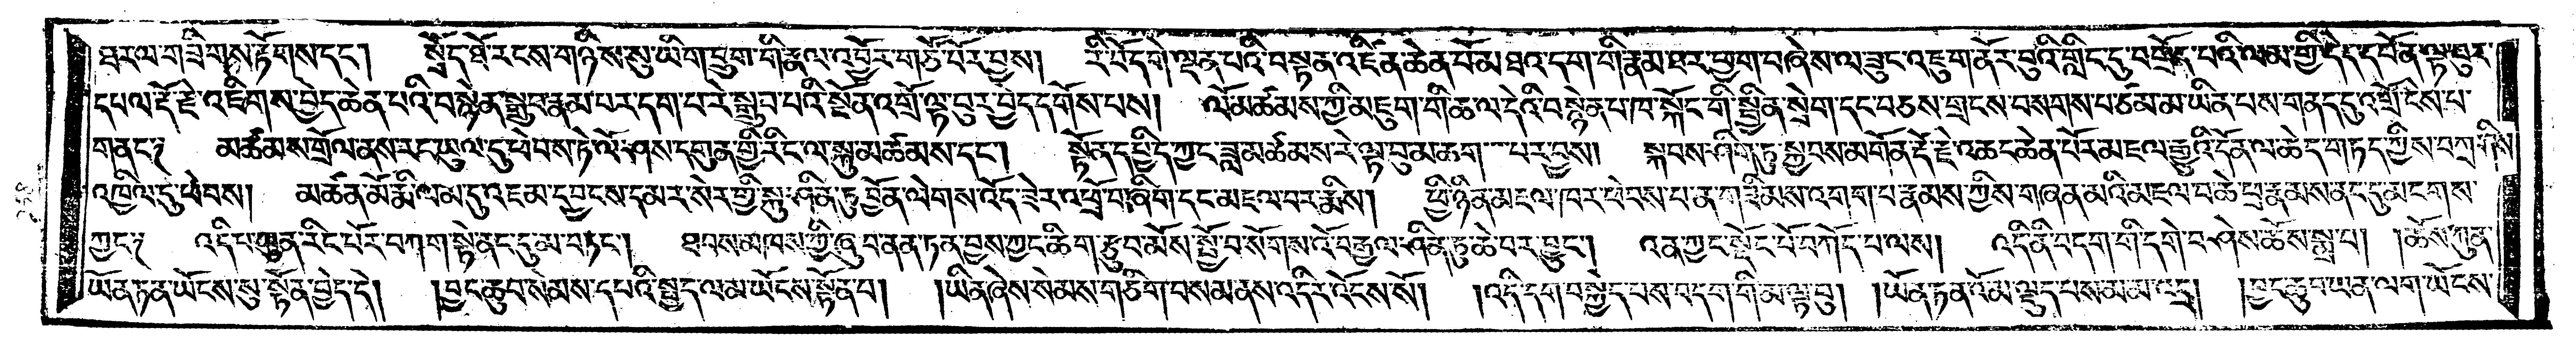ཐར་ལ་གཟིགས་རྟོགས་དང་། སྲོད་ཐོ་རངས་གཉིས་སུ་ཡིག་དྲུག་གི་རྣལ་འབྱོར་གཙོ་བོར་བྱས། རི་བོ་དགེ་ལྡན་པའི་བསྟན་འཛིན་ཆེན་པོ་མཐའ་དག་གི་རྣམ་ཐར་ཕྱག་བཞེས་ལ་ཟུང་འཇུག་ངོར་བུའི་གླིང་དུ་བགྲོད་པའི་ལམ་གྱི་དེད་དཔོན་ལྟ་བུར་
དཔལ་རྡོ་རྗེ་འཇིགས་བྱེད་ཆེན་པའི་བསྙེན་སྒྲུབ་རྣམ་པར་དག་པ་རེ་སྒྲུབ་པའི་སྔོན་འགྲོ་ལྟ་བུར་བྱེད་དགོས་པས། ལོ་མཚམས་ཀྱི་མཇུག་གི་ཆ་ལ་དེའི་བསྙེན་པ་ཁ་སྐོང་གི་སྦྱིན་སྲེག་དང་བཅས་གྲངས་བསགས་པ་ཙམ་མ་ཡིན་པས་གནད་དུ་འགྲོ་ངེས་པ་
གནང༑ མཚམས་གྲོལ་ནས་རང་ཡུལ་དུ་ཕེབས་ཏེ་ལོ་ཤས་དགུན་གྱི་རིང་ལ་སྐུ་མཚམས་དང་། སྟོན་དབྱིད་ཀྱང་ཟླ་མཚམས་རེ་ལྟ་བུ་མཆག་པར་བྱེས། སྐབས་ཤིག་ཏུ་སྐྱབས་མགོན་རྡོ་རྗེ་འཆང་ཆེན་པོར་མཇལ་རྒྱུའི་དོན་ལ་ཆེད་གཏད་ཀྱིས་བཀྲ་ཤིས་
འཁྱིལ་དུ་ཕེབས། མཚན་མོ་རྨི་ལམ་དུ་འཇམ་དབྱངས་དམར་སེར་གྱི་སྐུ་ཤིན་ཏུ་བྱོན་ལེགས་འོད་ཟེར་འཕྲོ་བ་ཞིག་དང་མཇལ་བར་རྨིས། ཕྱི་ཉིན་མཇལ་ཁར་ཕེབས་པ་ན་གཟིམས་འགག་པ་རྣམས་ཀྱིས་གཞན་མའི་མཇལ་བ་ཆེ་ཕྲ་རྣམས་ནང་དུ་མངགས་
ཀྱང༑ འདི་བ་ཡུན་རིང་པོར་བཀག་སྟེ་ནང་དུ་མ་བཏང་། ཐབས་མཁས་ཀྱི་ཞུ་བ་ནན་ཏན་བྱས་ཀྱང་ཚིག་རྩུབ་མོས་སྤྱོ་བ་སོགས་འོ་བརྒྱལ་ཤིན་ཏུ་ཆེ་བར་བྱུང་། འོན་ཀྱང་སྡོང་པོ་བཀོད་པ་ལས། འདི་ནི་བདག་གི་དགེ་བཤེས་ཆོས་སྨྲ་བ། །ཆོས་ཀུན་
ཡོན་ཏན་ཡོངས་སུ་སྟོན་བྱེད་དེ། །བྱང་ཆུབ་སེམས་དཔའི་སྤྱོད་ལམ་ཡོངས་སྟོན་པ། །ཡིན་ཞེས་སེམས་གཅིག་བསམ་ནས་འདིར་འོངས་སོ། །འདི་དག་བསྐྱེད་པས་བདག་གི་མ་ལྟ་བུ། །ཡོན་ཏན་འོ་མ་ལྡུད་པས་མ་མ་འདྲ། །བྱང་ཆུབ་ཡན་ལག་ཡོངས་